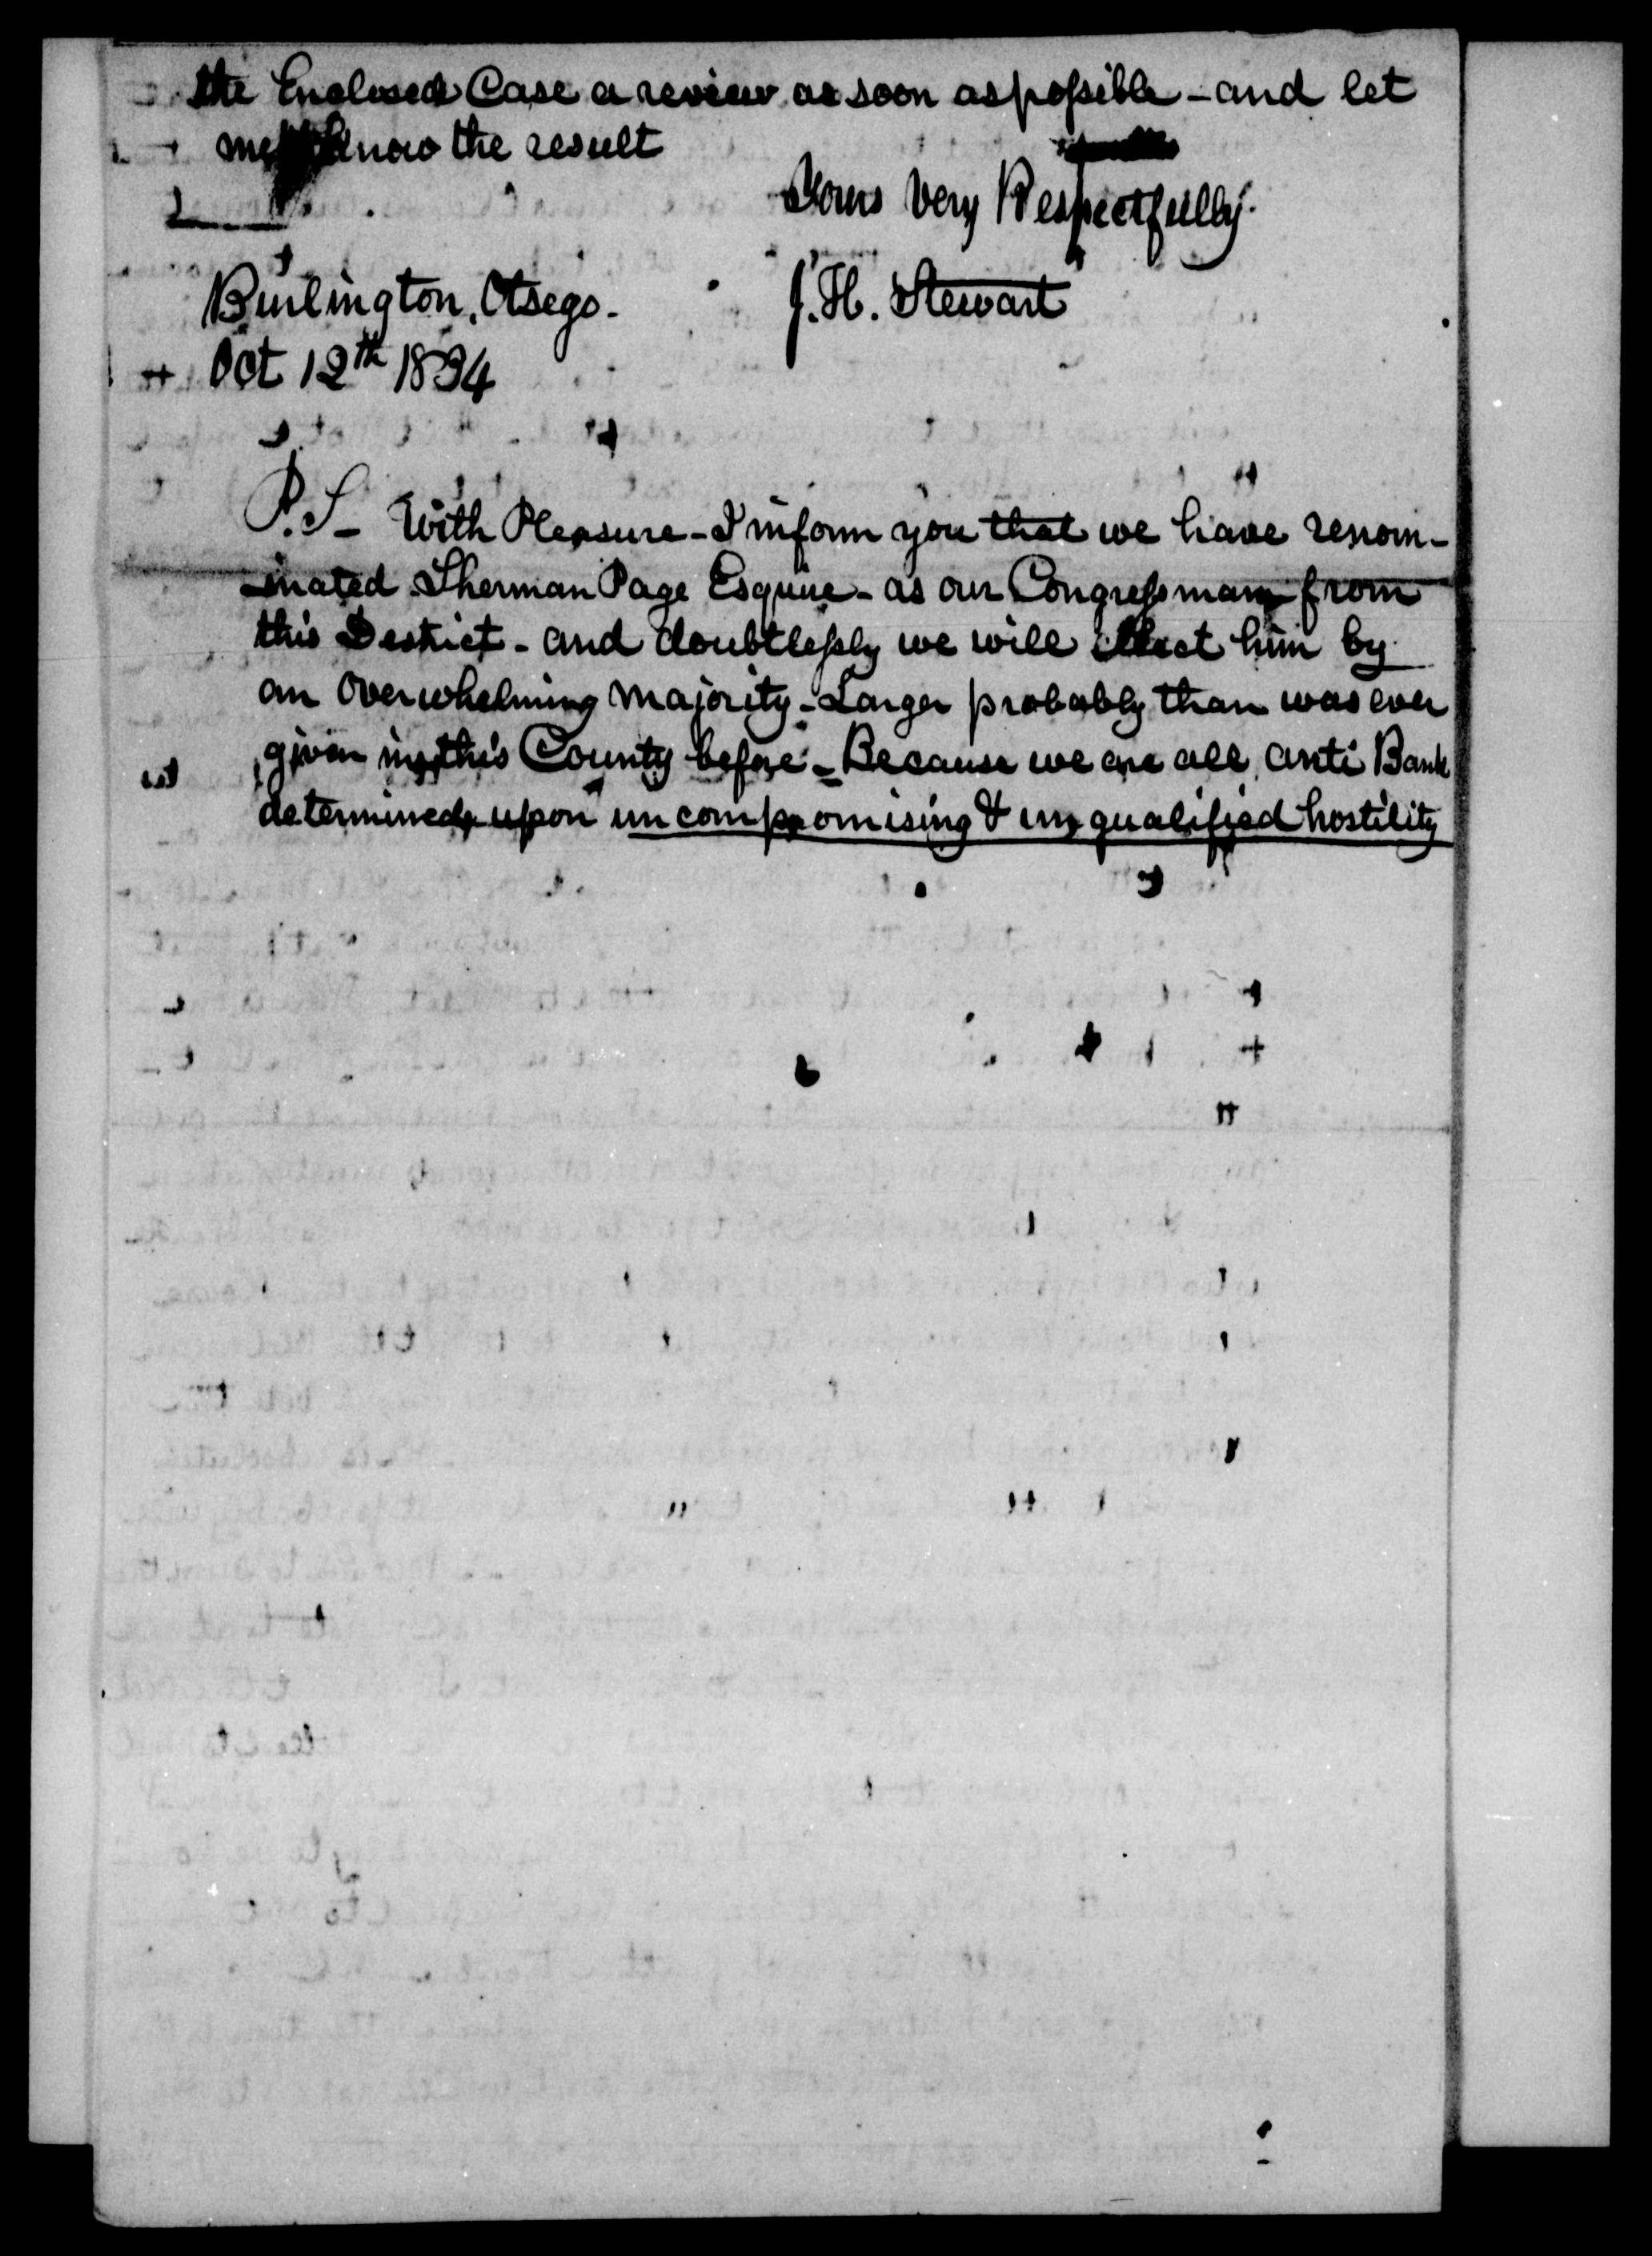the enclosed case a review, as soon as possible- and let me know the result
Yours very Respectfully
J. H. Stewart

Burlington, Otsego
Oct 12th 1836

P.S-  With pleasure-  I inform you that we have reinstated Sherman Page Esquire- as our Congressman from this District-, and doubtlessly we will elect him by an overwhelming majority- Larger probably than was ever given in this County before-  Because we are all anti Bank determined upon uncompromising & unqualified hostility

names: Sherman Page; J H Stewart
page: 33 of 35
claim: rejected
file: R. 9601, for John Simson, New Jersey